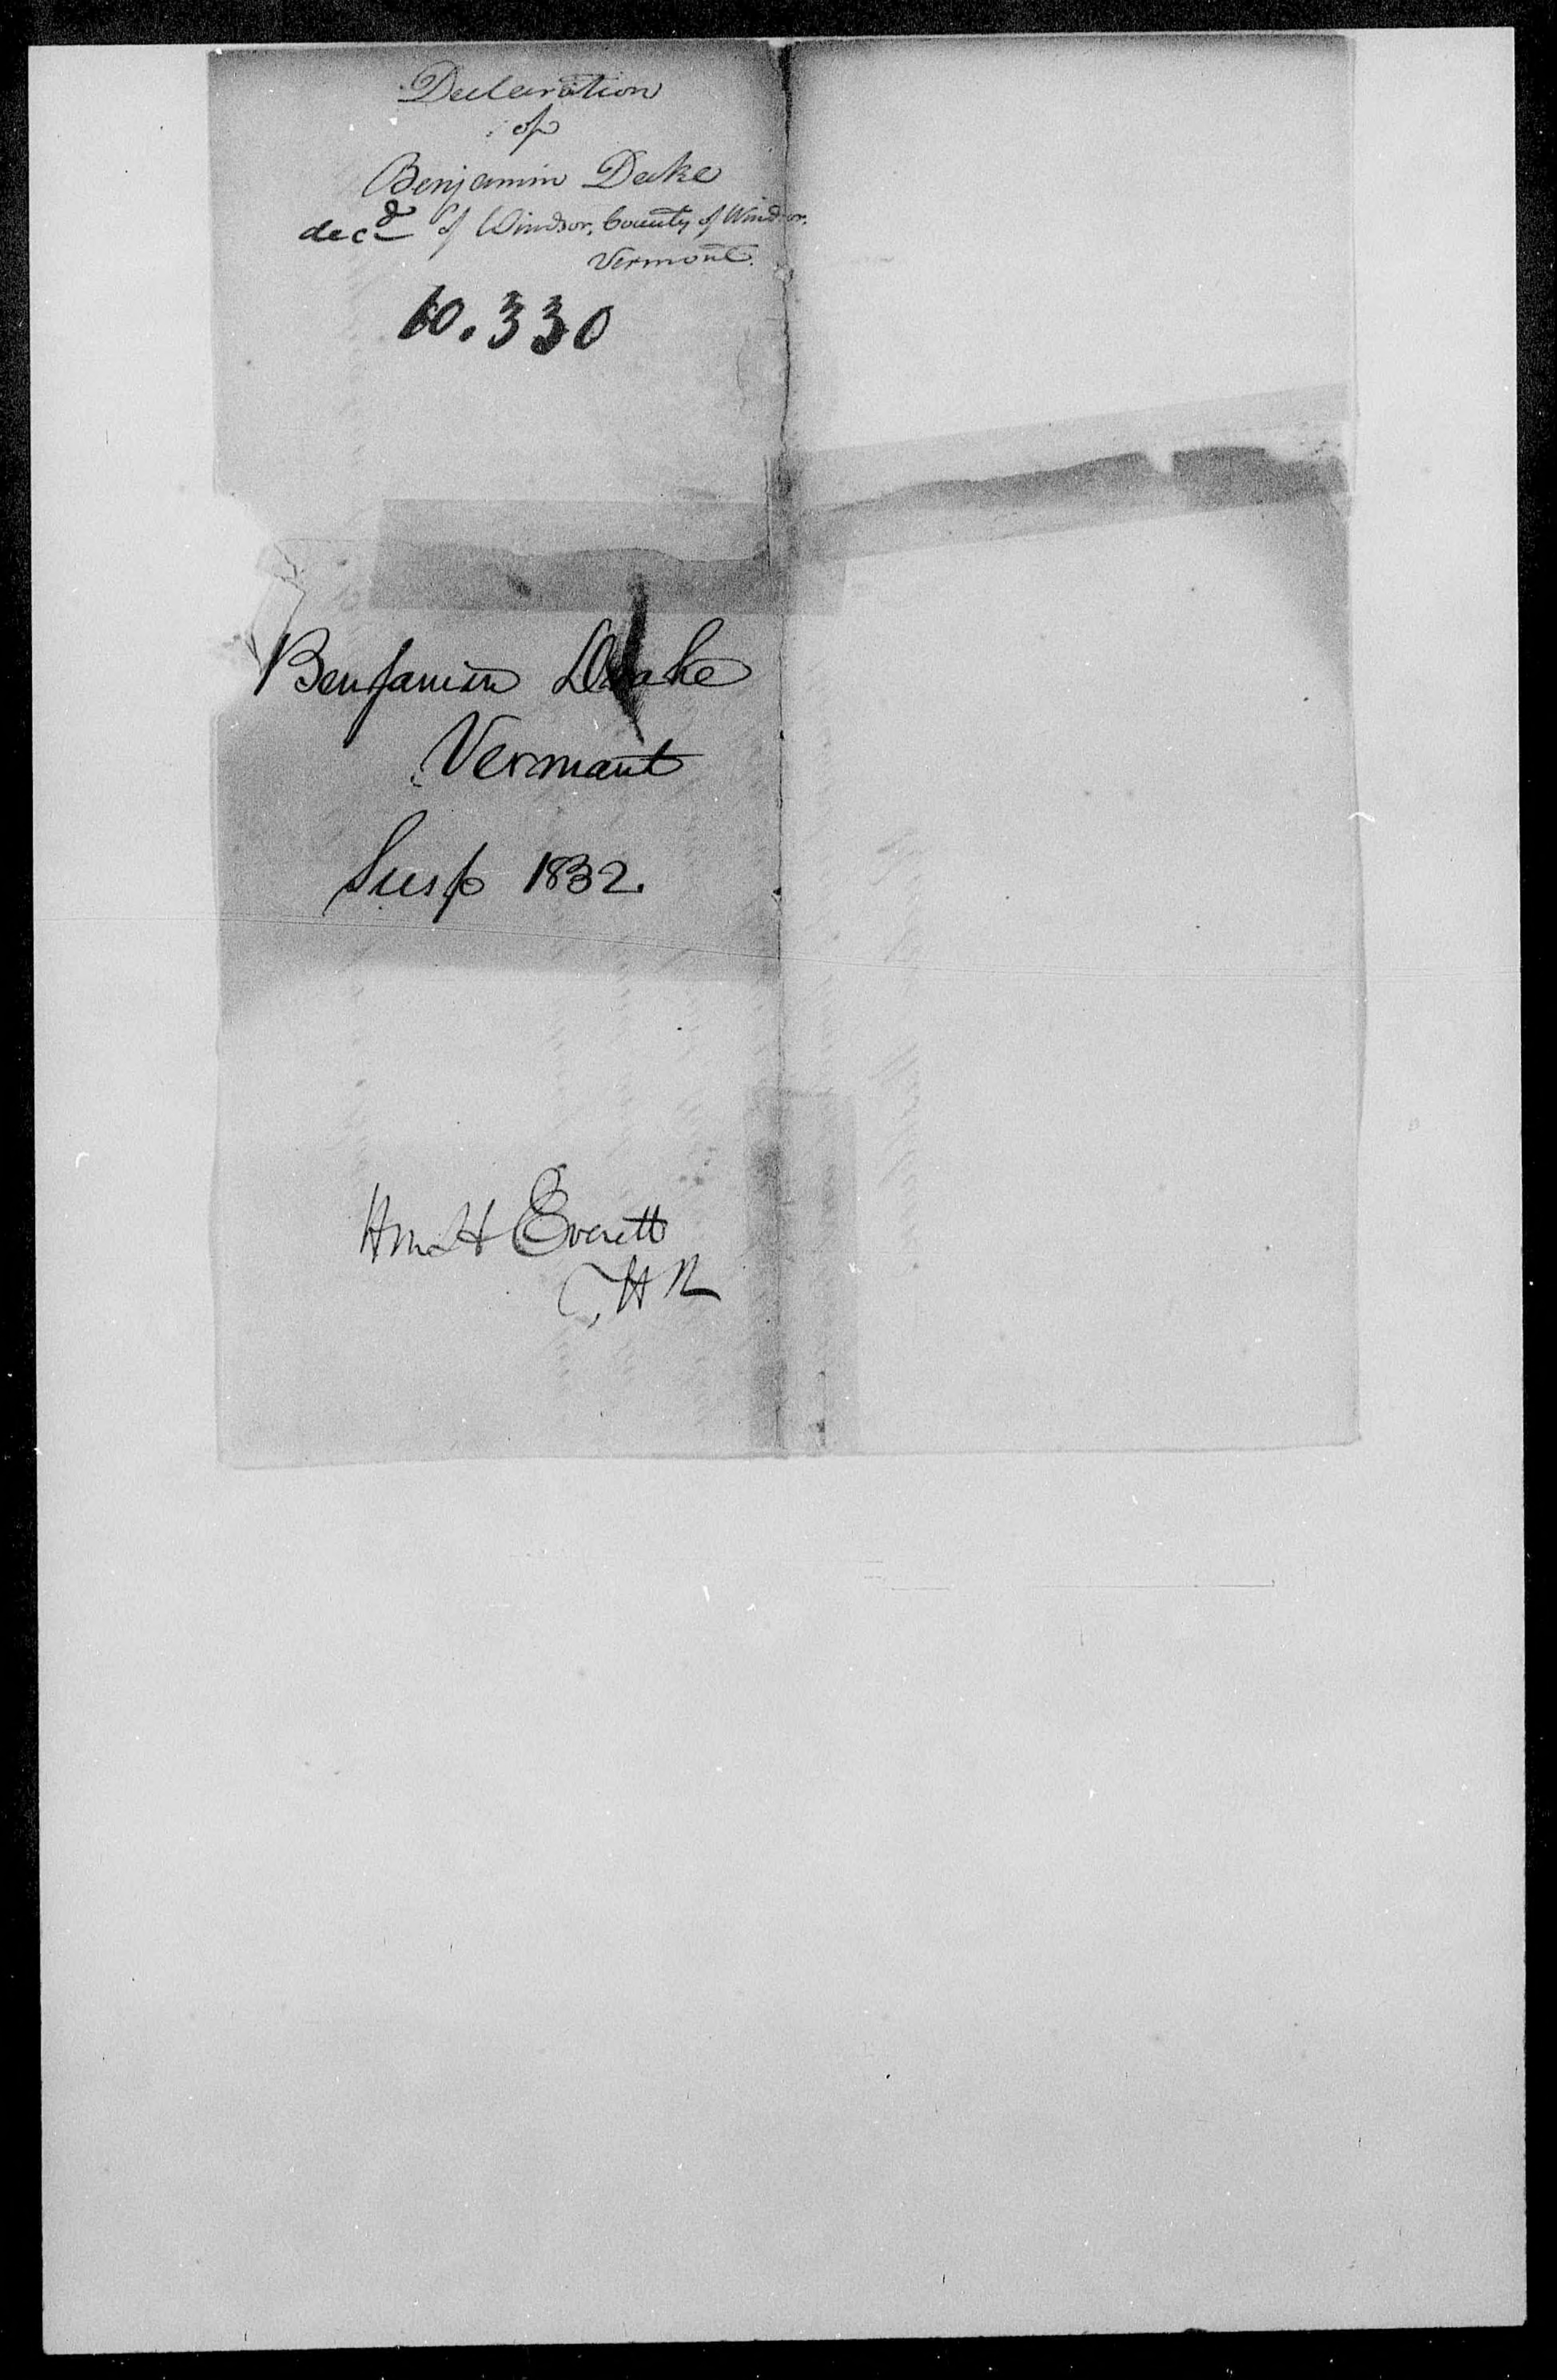Declaration of Benjamin Dake dec.d of Windsor County Vermont
10.330

Benjamin Dake
Vermont
Susp 1832


Hon H. Everett
HM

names: Benjamin Dake, H Everett, Benjamin Dake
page: 35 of 42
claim: rejected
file: R. 2,625, Benjamin Dake, R.I.